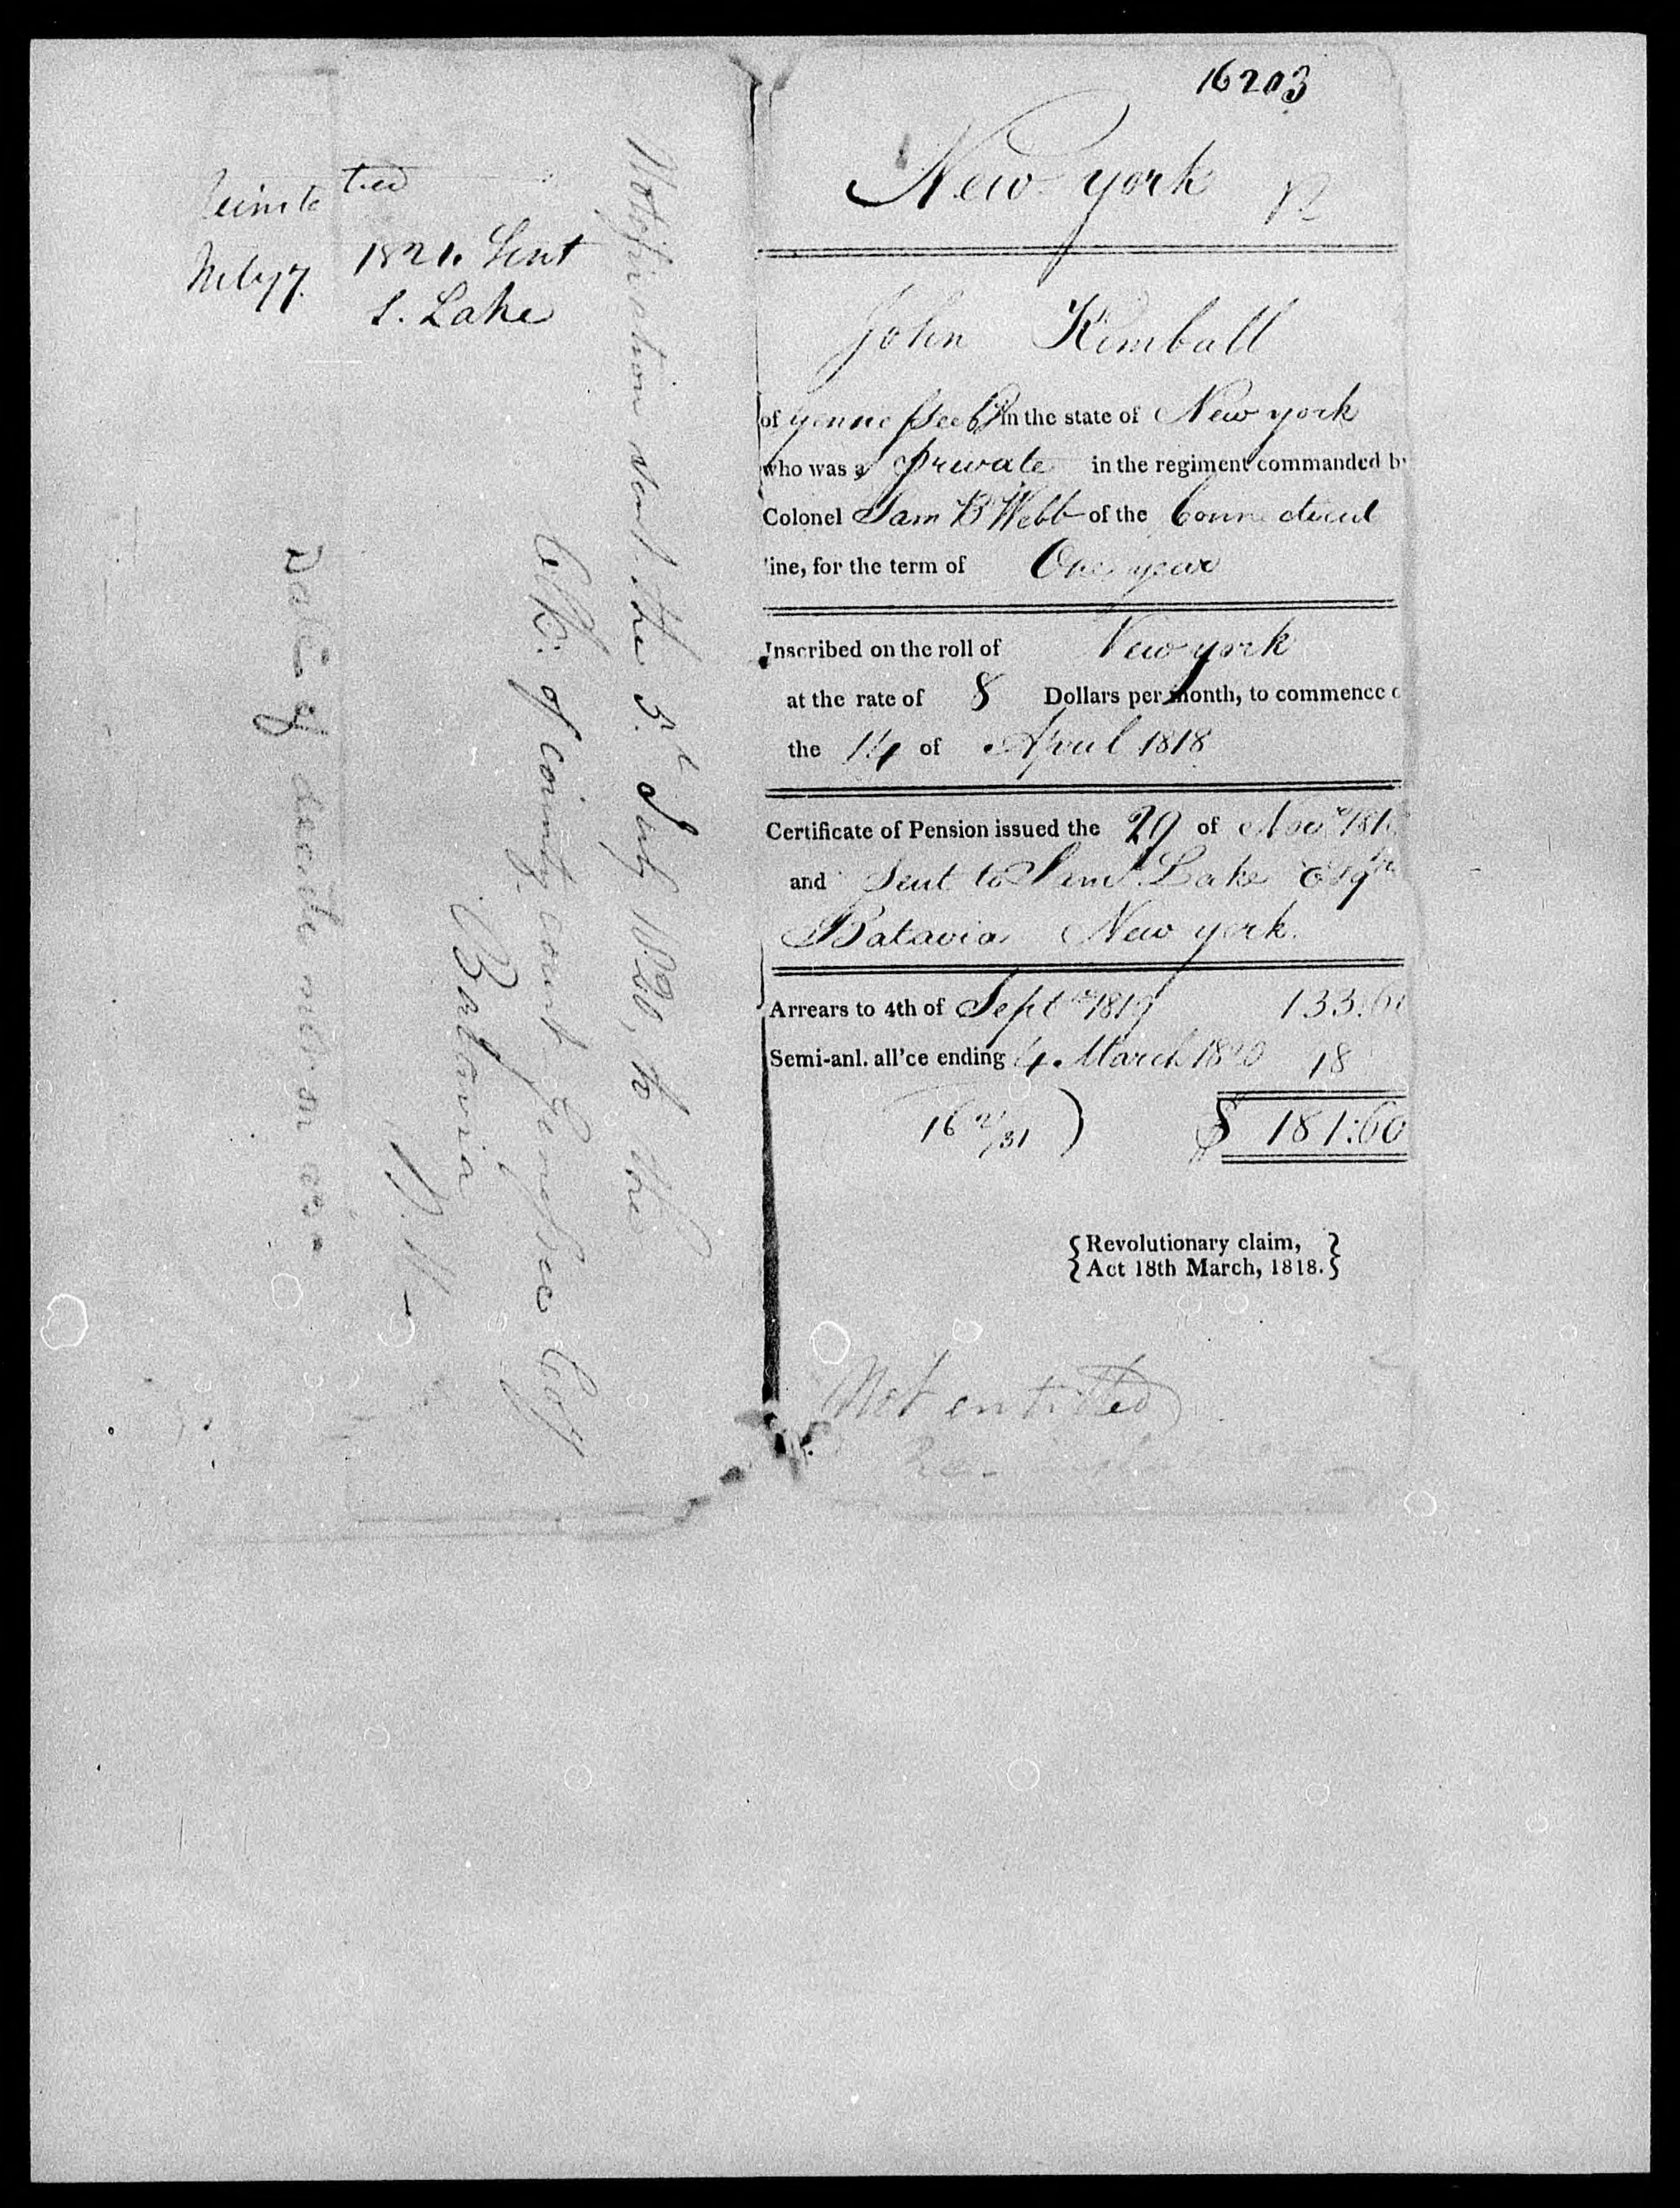[left side of page]
Notification sent the 5th July 1820 to the Clerk of County Court Genesee Coy. Batavia N.Y.

Date of death not on reg

Reinstated July 7 1821 Sent S. Lake

[right side of page]
16203.
New York

John Kimball
of Genesee Co in the state of new York
who was a private in the regiment commanded by
Colonel Sam B Webb of the Connecticut
line, for the term of One Year

Inscribed on the roll of New York
at the rate of 8 Dollars per month, to commence on
the 14 of April 1818

Certificate of Pension issued the 20 of Nov 1818
and Sent to Saml Lake Esq
Batavia New York.

Arrears to 4th of Sept 1819 133.60
Semi-anl. all'ce ending 4 March 1820 48.00
162/31
$181.60

{Revolutionary claim, Act 18th March, 1818.}

Not entitiled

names: John Kimball; Saml Lake; Sam B Webb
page: 7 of 36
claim: survivor's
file: S. 42,792, for John Kimball, Connecticut